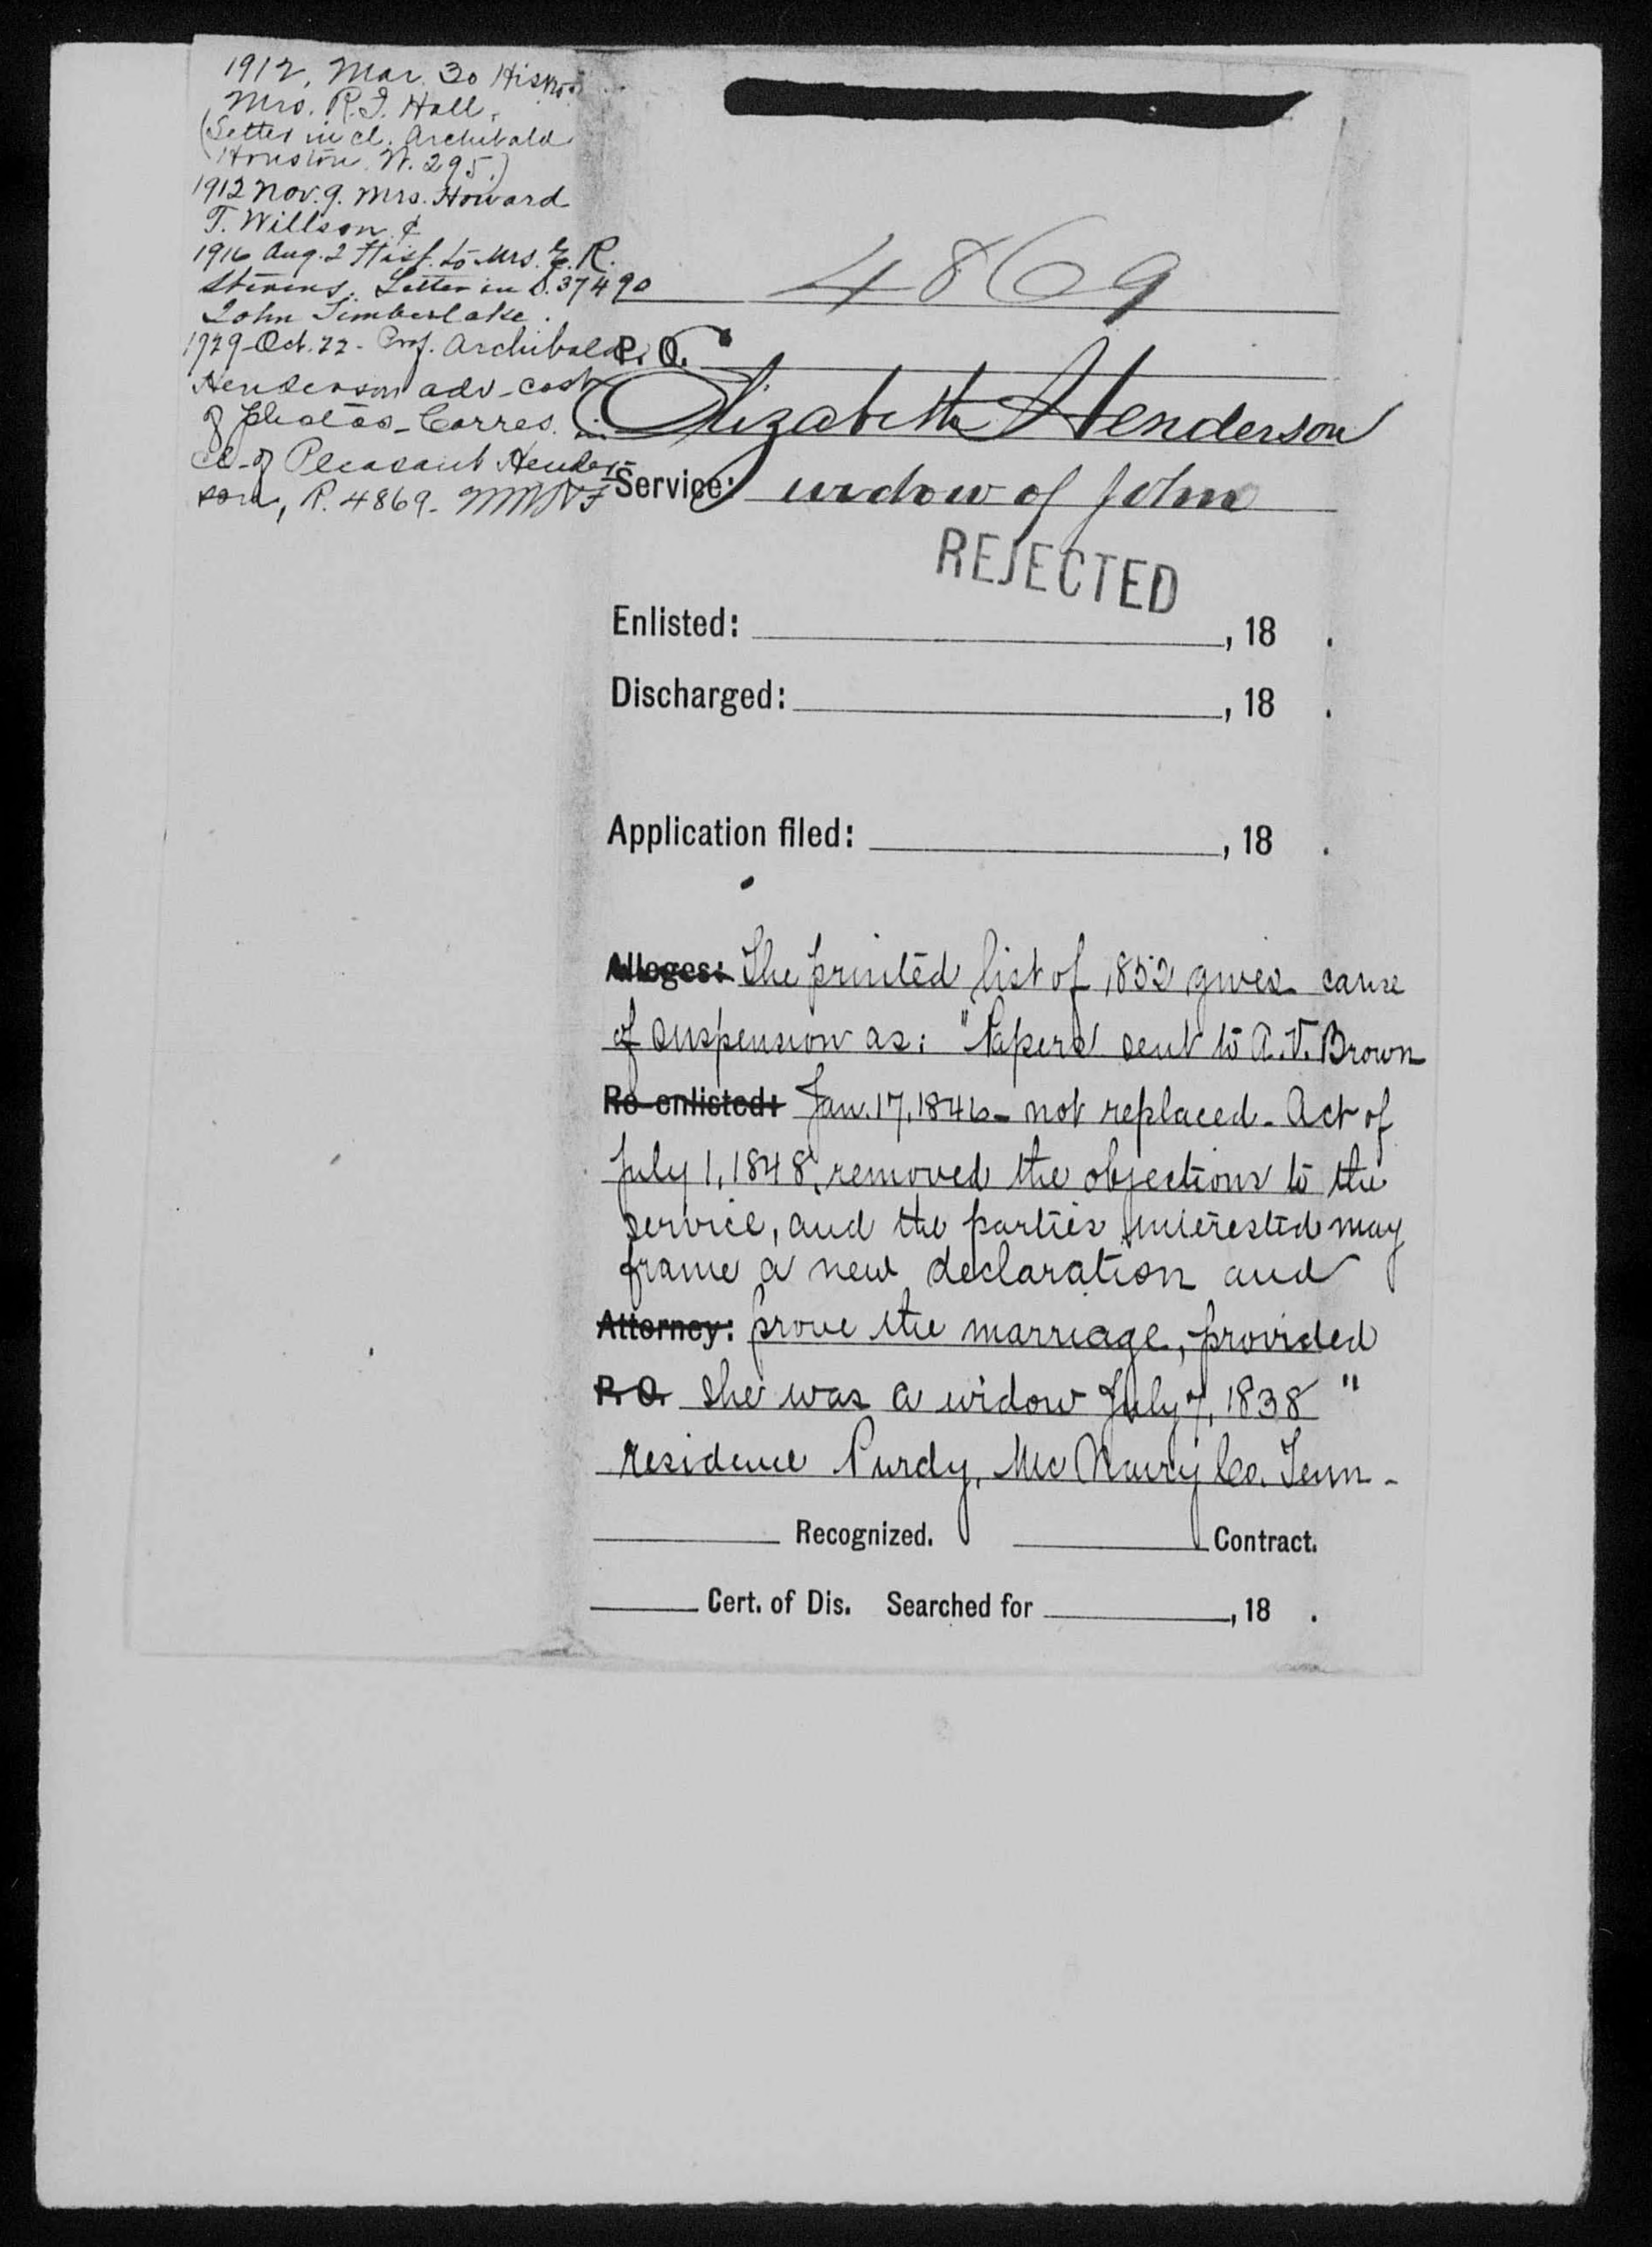[word that have been struck out have not been transcribed]

4869
Elizabeth Henderson
Service: widow of

REJECTED

Enlisted:                  , 18
Discharged:            , 18

Application filed:   , 18

The printed list of 1852 case 
of suspension as: Papers sent to A. V. Brown

Jan. 17. 1842-- not replaced. Act of
July 1, 1848, removed the objections to the
service, and the parties interested may
frame a new declaration and

prove the marriage,                  provided
She was a widow July 7, 1838      "
residence Purdy, Mc Nairy Co. Tenn __

_____Recognized.   _____Contract.
___Cert.  of  Dis.   Searched for ___     ,18


[left side]

1912, Mar. 30 Hist to
Mrs. R.J. Hall,
(Letter incl. Archibald
Houston W. 295)

1912 Nov. 9. Mrs. Howard
T. Willson

1916 Aug 2 Hist to Mrs E. R.
Stevens. Letter in S. 37490
John Timberlake.

1929 Oct. 22. [illegible] Archibald 
Henderson adv _cash
of photos_ Carres in
cl_ of Pleasant Hender-
son, R. 4869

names: John Timberlake, E R Stevens, A V Brown, Howard T Willson, John Henderson, Archibald Henderson, R J Hall, Elizabeth Henderson, Pleasant Henderson, Archibald Houston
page: 20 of 40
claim: rejected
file: R. 4,869, John Henderson, S.C.